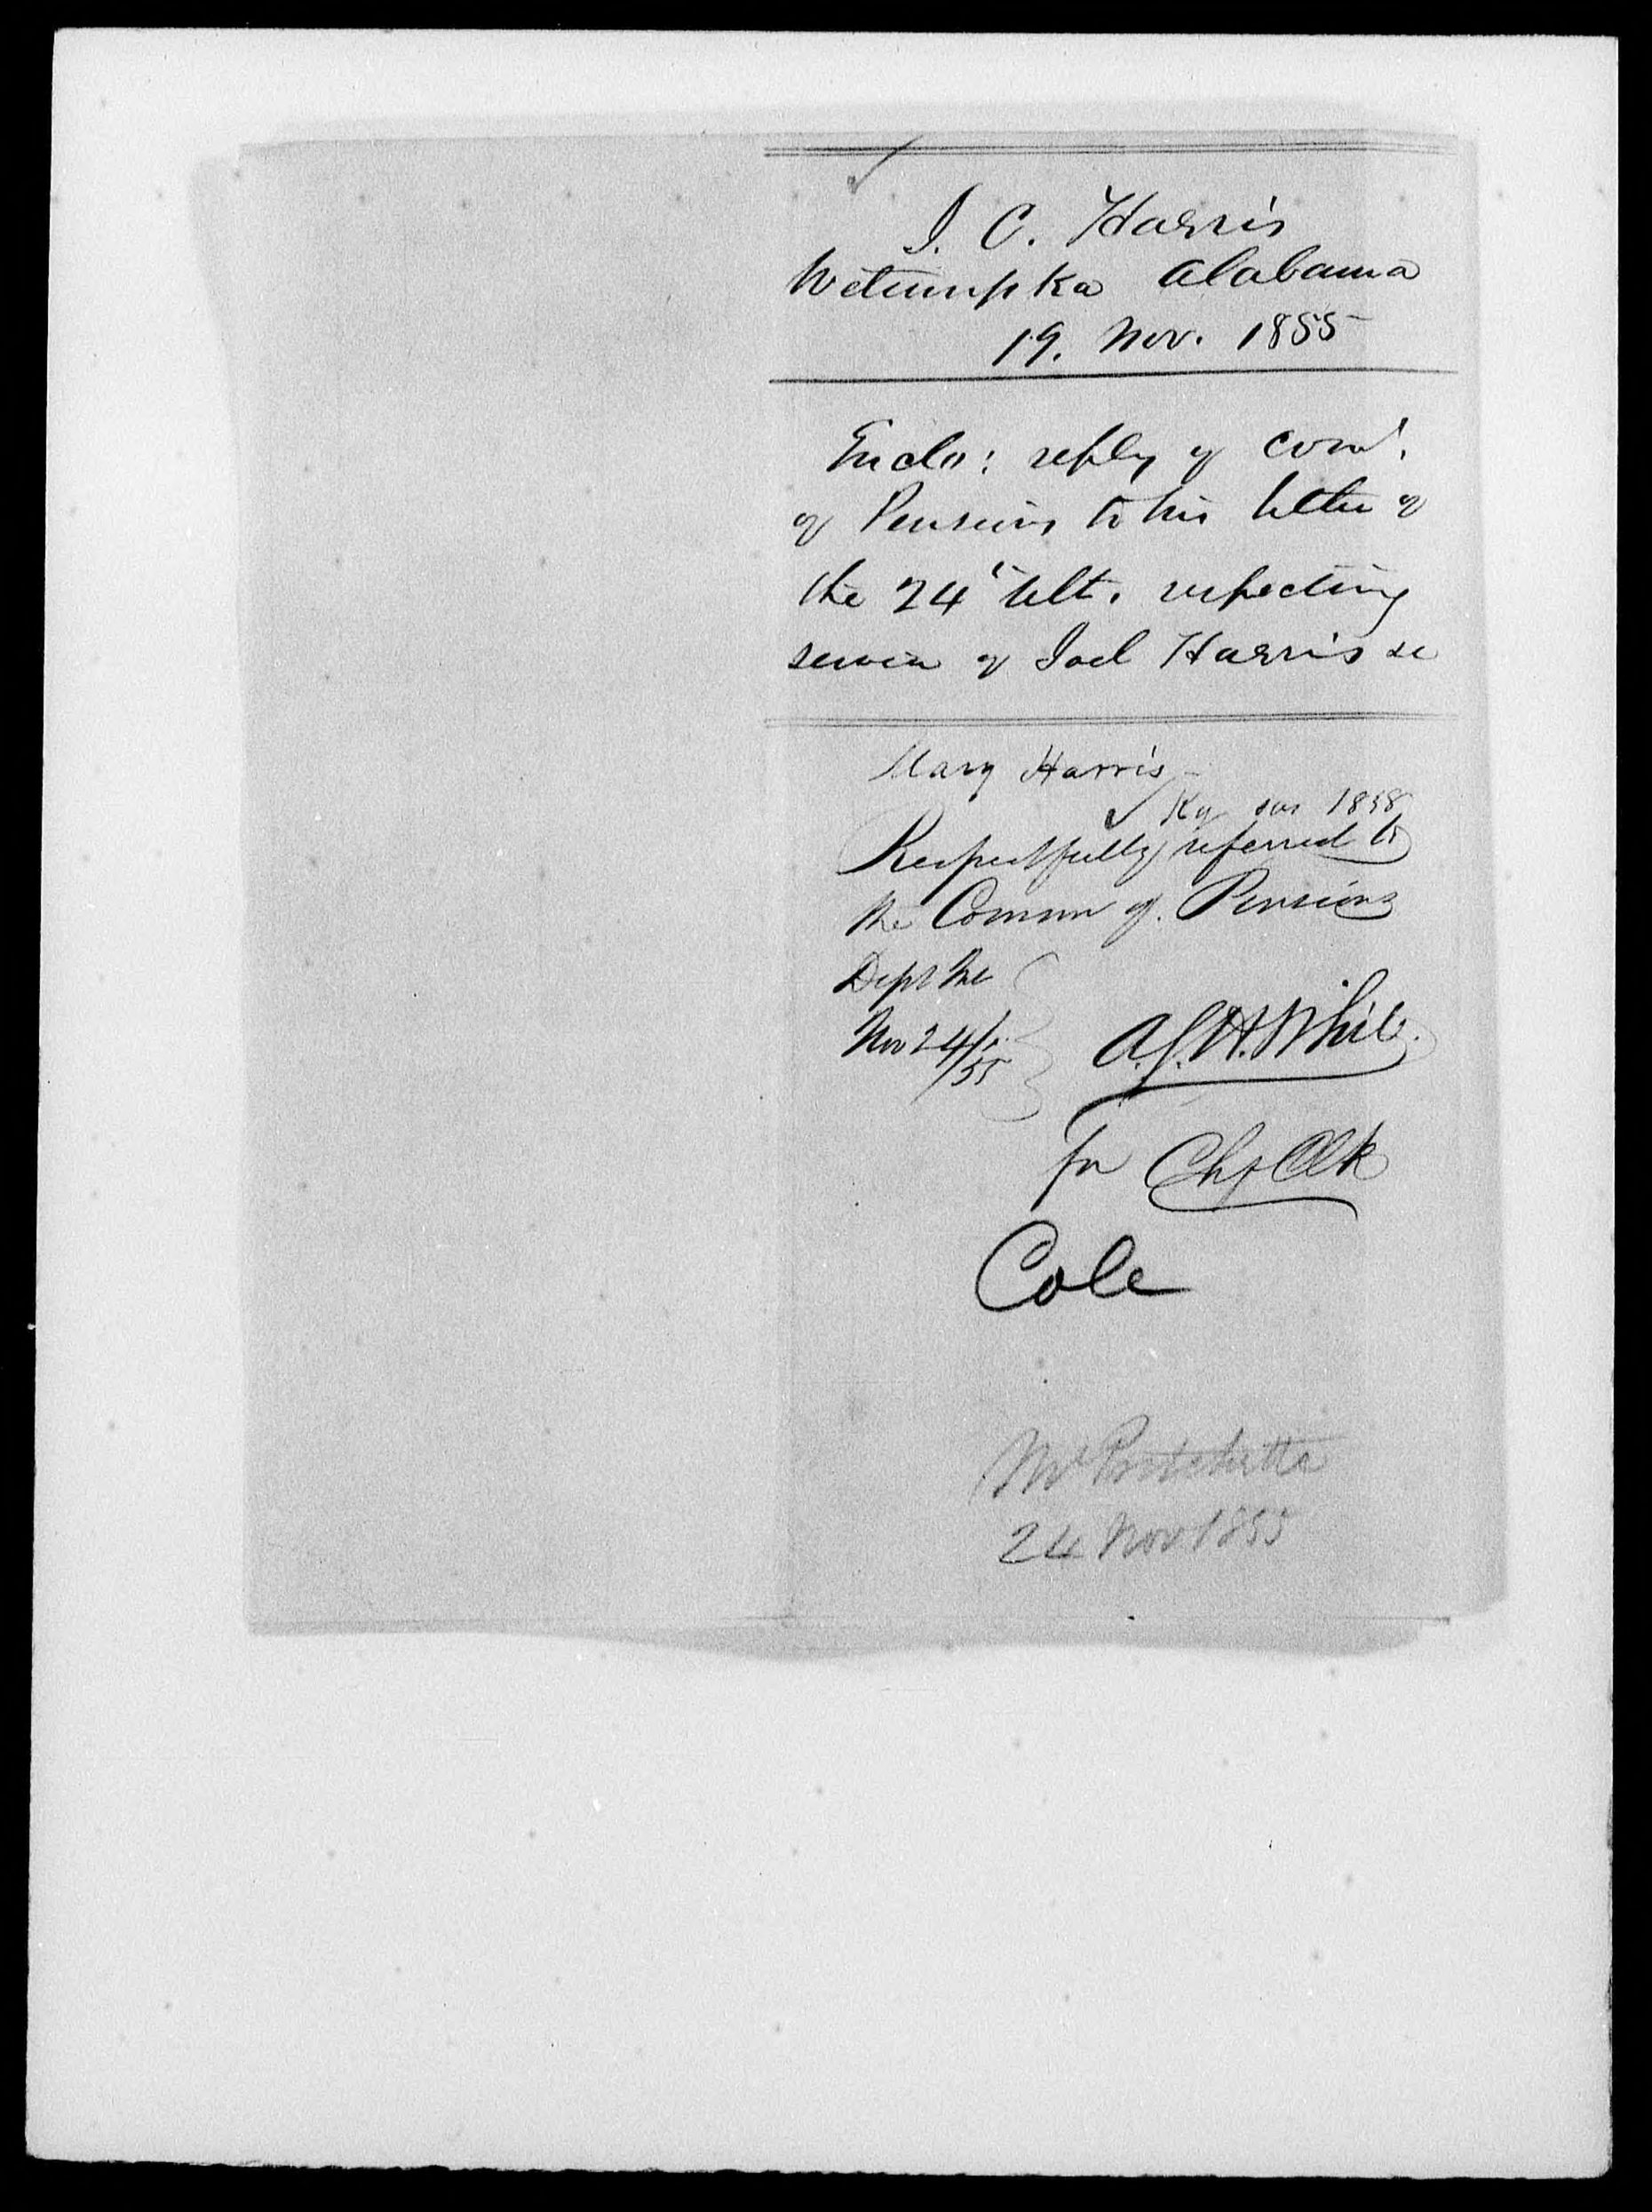J. C. Harris
Wetumpka Alabama
19. Nov. 1855

Enclo: reply of Com.
of Pensions to his letter of
the 24 ult., respecting
service of Joel Harris &c.

Mary Harris
Ky [?] 1858
Respectfully referred to
the Comm of Pensions
Dept [?]
Nov 24/'55

A.S. H. White
for Chf Clk
Cole

[?] Prichette
24 Nov 1855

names: J C Harris, A S H White, Mary Harris, Cole, Pritchette, Joel Harris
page: 37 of 160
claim: rejected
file: R. 4666, James Harris, Va.